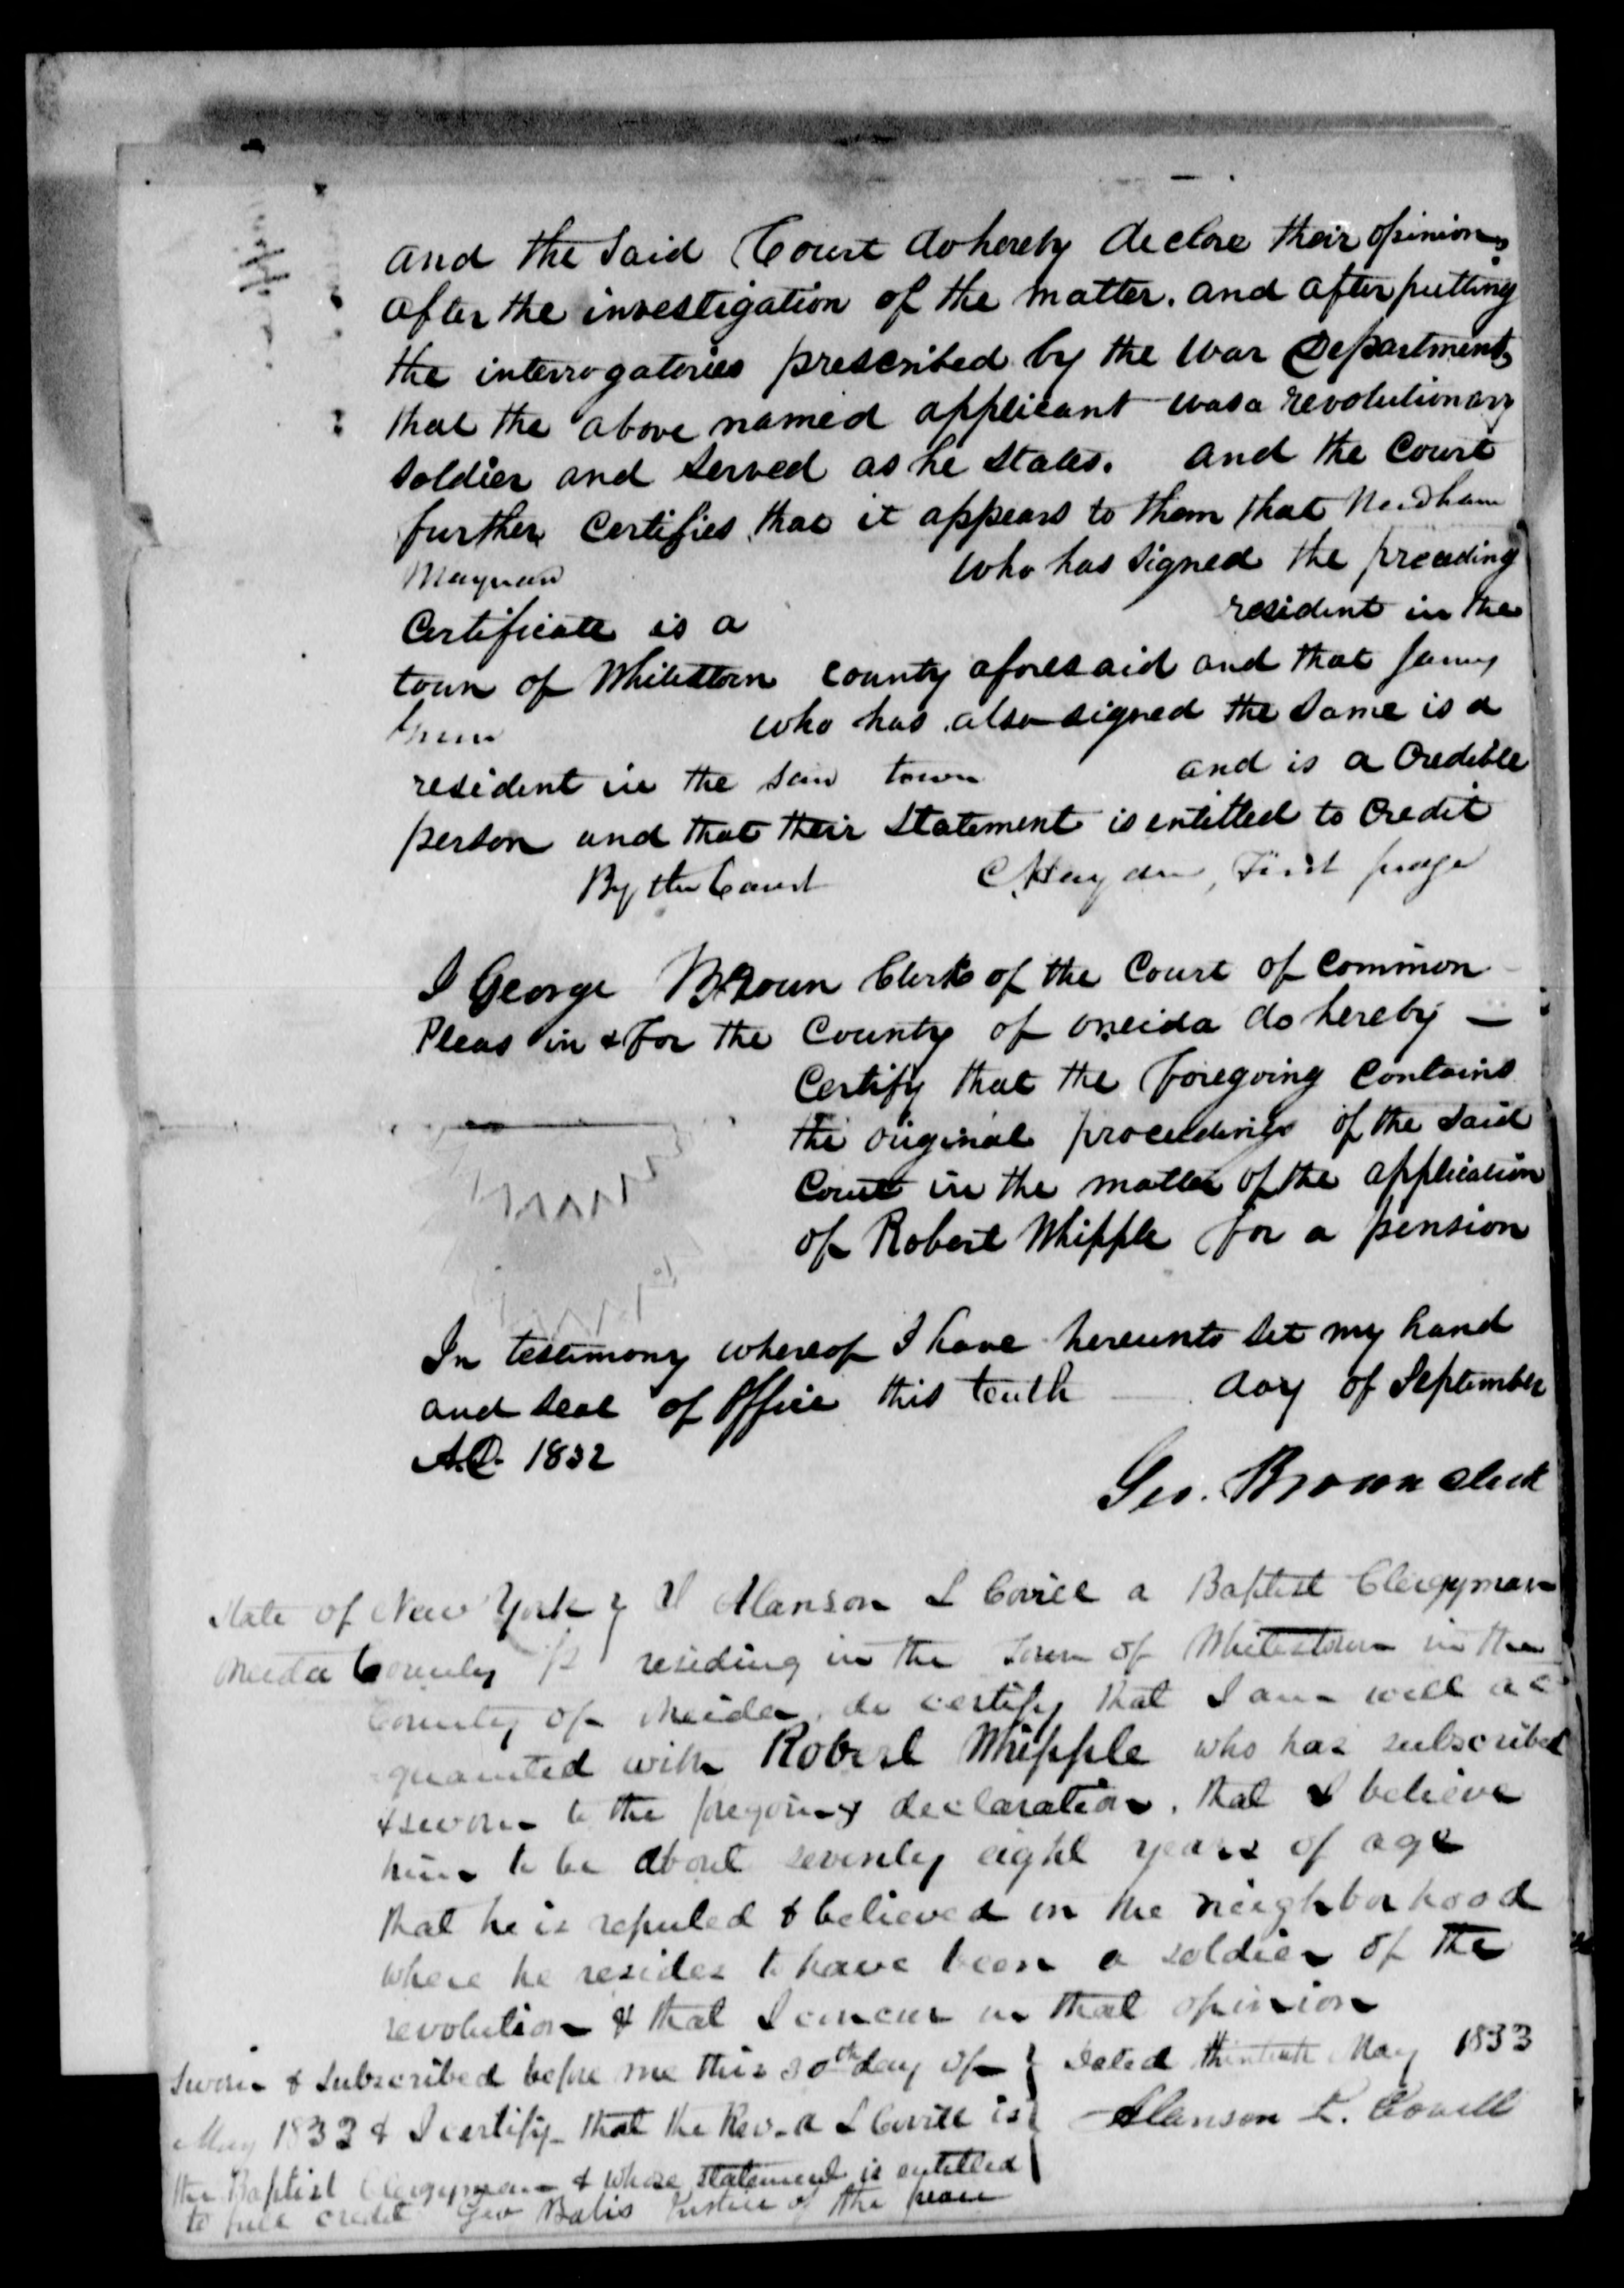and the Said Court do hereby declare their opinion after the investigation of the matter, and after putting the interrogatories prescribed by the War Department, that the above named applicant was a revolutionary soldier and served as he states.  and the Court further certifies that it appears to them that Needham Maynard who has signed the preceding certificate is a resident in the town of Whitestown County aforesaid and that James Greene who has also signed the same is a resident in the said town and is a Credible person and that their statement is entitled to Credit
By the Court   C Hayden, First Judge

I George Brown Clerk of the Court of Common Pleas in & for the County of Oneida do hereby Certify that the foregoing contains the original proceedings of the said Court in the matter of the application of Robert Whipple for a pension

In testimony whereof I have hereunto set my hand and Seal of office this tenth day of September A. D. 1832
Geo. Brown Clerk
[seal affixed to page]

State of New York}
Oneida County SS}  I Alanson L Covill a Baptist Clergyman residing in the Town of Whitestown in the County of Oneida, do certify that I am well acquainted with Robert Whipple who has subscribed & sworn to the foregoing declaration, that I believe him to be about seventy eight years of age that he is reputed & believed in the neighborhood where he resides to have been a soldier of the revolution - & that I concur in that opinion 
Dated thirtieth May 1833
Alanson L. Covill

Sworn & Subscribed before me this 30th day of May 1833 & I certify that the Rev. A L Covill is the Baptist Clergyman & whose statement is entitled to full credit Geo Balis Justice of the peace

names: C Hayden, Needham Maynard, Geo Balis, Alanson L Covill, George Brown, Robert Whipple, James Green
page: 12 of 18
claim: survivor's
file: S. 11731, Robert Whippel, Continental Mass R. I.